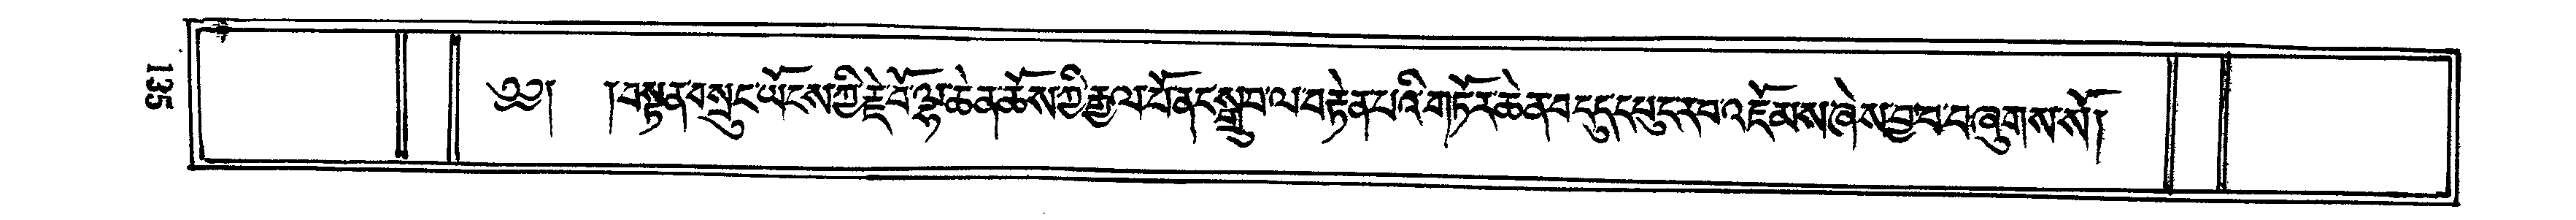༄༅། །བསྟན་བསྲུང་ཡོངས་ཀྱི་རྗེ་བོ་ལྷ་ཆེན་ཆོས་ཀྱི་རྒྱལ་པོ་ནང་སྒྲུབ་ལ་བརྟེན་པའི་གཏོར་ཆེན་བདུད་དཔུང་རབ་འཇོམས་ཞེས་བྱ་བ་བཞུགས་སོ། །